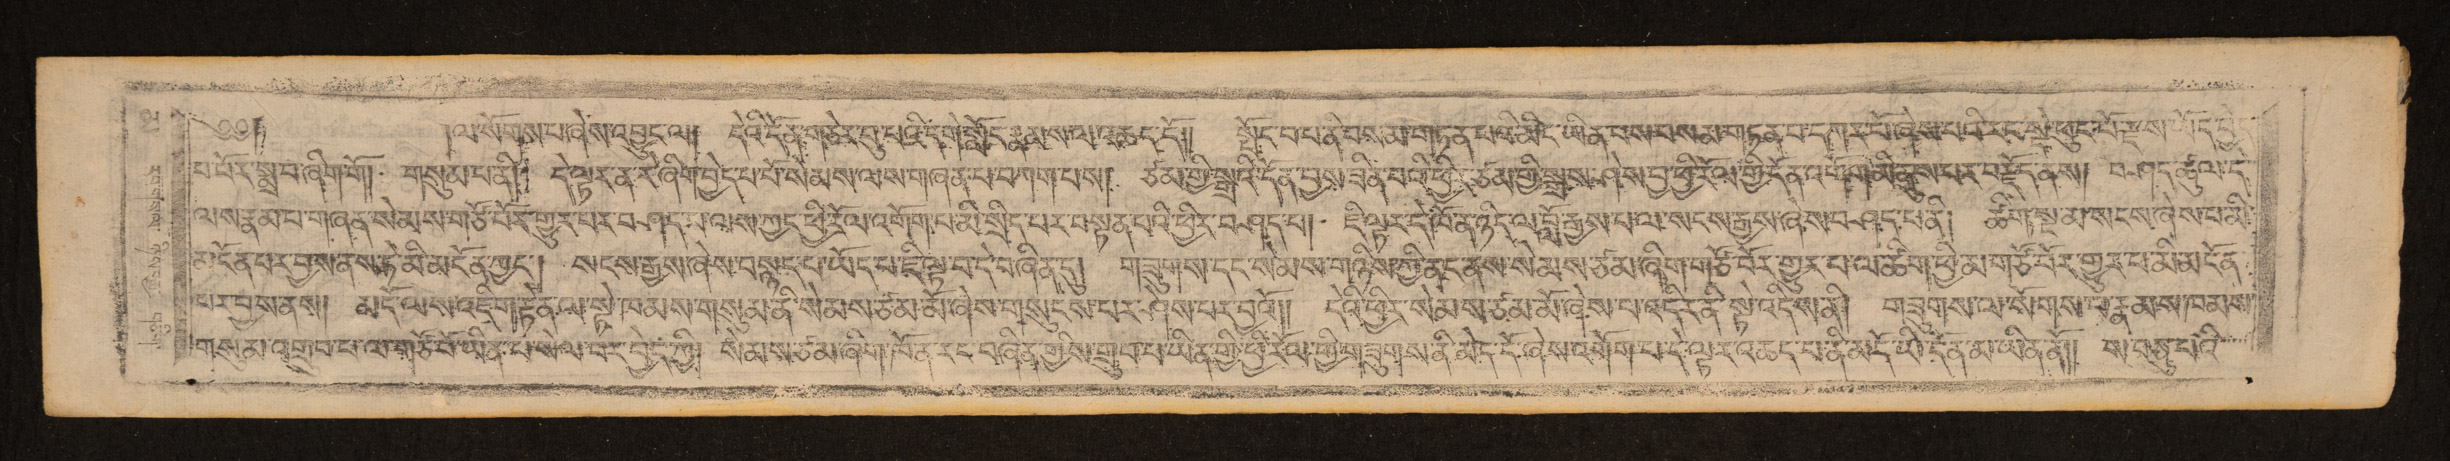༄༅། །ལ་སོགས་པ་ཞེས་འབྱུང་ལ། དེའི་དོན་གཅེར་བུ་པའི་དགེ་སློང་རྣམས་ལ་འཆད་དོ།། སྤོང་བ་པ་ནི་བསམ་གཏན་པའི་མིང་ཡིན་པས་བསམ་གཏན་པ་དཀར་པོ་ཞེས་པའི་རང་སྡེ་ཕུང་པོ་རྫས་ཡོད་བྱེད་
པ་པོར་སྨྲ་བ་ཞིག་གོ། གསུམ་པ་ནི། དེ་ལྟར་ན་རེ་ཞིག་བྱེད་པ་པོ་སེམས་ལས་གཞན་པ་བཀག་པས། ཙམ་གྱི་སྒྲའི་དོན་བྱས་ཟིན་པའི་ཕྱིར་ཙམ་གྱི་སྒྲས་ཤེས་བྱ་ཕྱི་རོལ་གྱི་དོན་འགོག་མི་ནུས་པར་བརྗོད་ནས། བཤད་ཚུལ་དེ་
ལས་རྣམ་པ་གཞན་སེམས་གཙོ་བོར་གྱུར་པར་བཤད་པ་ལས་ཀྱང་ཕྱི་རོལ་འགོག་པ་མི་སྲིད་པར་བསྟན་པའི་ཕྱིར་བཤད་པ། ཇི་ལྟར་དེ་ཁོ་ན་ཉིད་ལ་བློ་རྒྱས་པ་ལ་སངས་རྒྱས་ཞེས་བཤད་པ་ནི། ཚིག་སྔ་མ་སངས་ཞེས་པ་མི་
མངོན་པར་བྱས་ནས་ཏེ་མི་མངོན་ཀྱང་། སངས་རྒྱས་ཞེས་བསྙད་པ་ཡོད་པ་ཇི་ལྟ་བ་དེ་བཞིན་དུ། གཟུགས་དང་སེམས་གཉིས་ཀྱི་ནང་ནས་སེམས་ཙམ་ཞིག་གཙོ་བོར་གྱུར་པ་ལ་ཚིག་ཕྱི་མ་གཙོ་བོར་གྱུར་པ་མི་མངོན་
པར་བྱས་ནས། མདོ་ལས་འཇིག་རྟེན་ལ་སྟེ་ཁམས་གསུམ་ནི་སེམས་ཙམ་མོ་ཞེས་གསུངས་པར་ཤེས་པར་བྱའོ།། དེའི་ཕྱིར་སེམས་ཙམ་མོ་ཞེས་པ་འདིར་ནི་སྟེ་འདིས་ནི། གཟུགས་ལ་སོགས་པ་རྣམས་ཁམས་
གསུམ་འགྲུབ་པ་ལ་གཙོ་བོ་ཡིན་པ་སེལ་བར་བྱེད་ཀྱི། སེམས་ཙམ་ཞིག་ཁོ་ན་རང་བཞིན་གྱིས་གྲུབ་པ་ཡིན་གྱི་ཕྱི་རོལ་གྱི་གཟུགས་ནི་མེད་དོ་ཞེས་འགོག་པ་དེ་ལྟར་འཆད་པ་ནི་མདོ་ཡི་དོན་མ་ཡིན་ནོ།། ས་བཅུ་པའི་